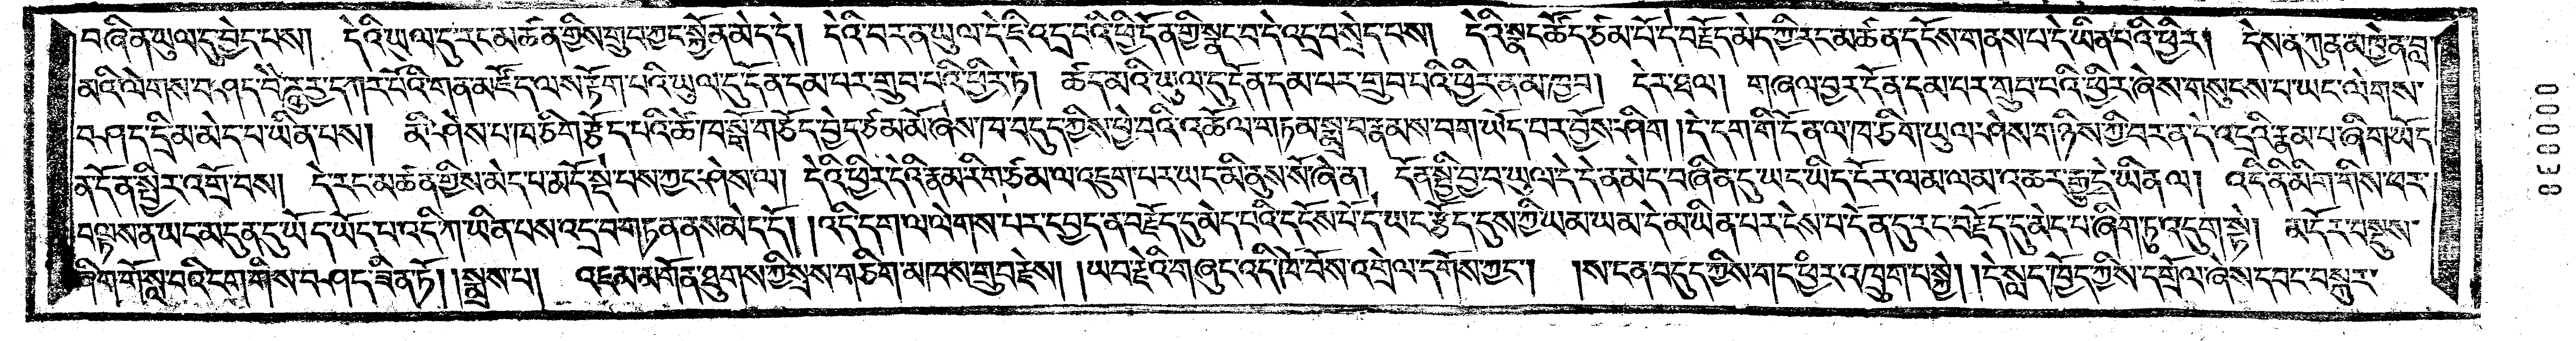བཞིན་ཡུལ་དུ་བྱེད་པས། དེའི་ཡུལ་དུ་རང་མཚན་གྱིས་གྲུབ་ཀྱང་སྐྱོན་མེད་དེ། དེའི་བར་ན་ཡུལ་དེ་ཇི་འདྲ་བའི་ཕྱི་དོན་གྱི་སྣང་བ་དེ་འདྲ་བ་སྲེད་པས། དེའི་སྣང་ཚོད་ཙམ་པོ་དེ་བརྗོད་མེད་ཀྱི་རང་མཚན་དངོས་གནས་པ་དེ་ཡིན་པའི་ཕྱིར། དེས་ན་ཀུན་མཁྱེན་བླ་
མའི་ལེགས་བཤད་བཻ་ཌཱུརྱ་དཀར་པོའི་གན་མཛོད་ལས་རྟོག་པའི་ཡུལ་དུ་དོན་དམ་པར་གྲུབ་པའི་ཕྱིར་ཏེ། ཚད་མའི་ཡུལ་དུ་དོན་དམ་པར་གྲུབ་པའི་ཕྱིར་ན་མ་ཁྱབ། དེར་ཐལ། གཞལ་བྱར་དོན་དམ་པར་གྲུབ་པའི་ཕྱིར་ཞེས་གསུངས་པ་ཡང་ལེགས་
བཤད་དྲི་མ་མེད་པ་ཡིན་པས། མི་ཤེས་པ་ཁ་ཅིག་རྩོད་པའི་ཚེ་ཁ་སྒོ་གཅོད་བྱེད་ཙམ་མོ་ཞེས་ཁ་བདུད་ཀྱིས་ཕྱེ་བའི་འཆོལ་གཏམ་སྨྲ་བ་རྣམས་བག་ཡོད་པར་བྱོས་ཤིག །དེ་དག་གི་དོན་ལ་ཁ་ཅིག་ཡུལ་ཤེས་གཉིས་ཀྱི་བར་ན་དེ་འདྲའི་རྣམ་པ་ཞིག་ཡོད་
ན་དོན་སྤྱིར་འགྲོ་བས། དེ་རང་མཚན་གྱིས་མེད་པ་མདོ་སྡེ་པས་ཀྱང་ཤེས་ལ། དེའི་ཕྱིར་དེའི་རྣམ་རིག་ཙམ་ལ་འཇུག་པར་ཡང་མི་ནུས་སོ་ཞེ་ན། དོན་སྤྱི་བྱ་བ་ཡུལ་དེ་དེ་ན་མེད་བཞིན་དུ་ཡང་ཡིད་ངོར་ལམ་ལམ་འཆར་རྒྱུ་དེ་ཡིན་ལ། འདི་ནི་མིག་གིས་ཕར་
བལྟས་ན་ཡང་མདུན་དུ་ཡོད་ཡོད་པ་འདི་ཀ་ཡིན་པས་འདྲ་བ་གཏན་ནས་མེད་དོ། །འདི་དག་ལ་ལེགས་པར་དཔྱད་ན་བརྗོད་དུ་མེད་པའི་དངོས་པོ་དེ་ཡང་རྩོད་དུས་ཀྱི་ཡམ་ཡམ་དེ་མ་ཡིན་པར་ངེས་པ་དོན་དུ་རང་བརྗོད་དུ་མེད་པ་ཞིག་ཏུ་འདུག་སྟེ། མདོར་བསྡུས་
ཤིག་གོ་སླ་བའི་ངག་གིས་བཤད་ཟིན་ཏོ། །སྨྲས་པ། འཇམ་མགོན་ཐུགས་ཀྱི་སྲས་གཅིག་མཁས་གྲུབ་རྗེས། །ཡབ་རྗེའི་གཞུང་འདི་ཁོ་བོས་འགྲེལ་དགོས་ཀྱང་། །ས་ངན་འདུད་ཀྱིས་གང་ཕྱིར་འཁྲུག་པ་སྐྱེ། །དེ་སླད་ཁྱོད་ཀྱིས་དགྲོལ་ཞེས་དབང་བསྐུར་བ་?